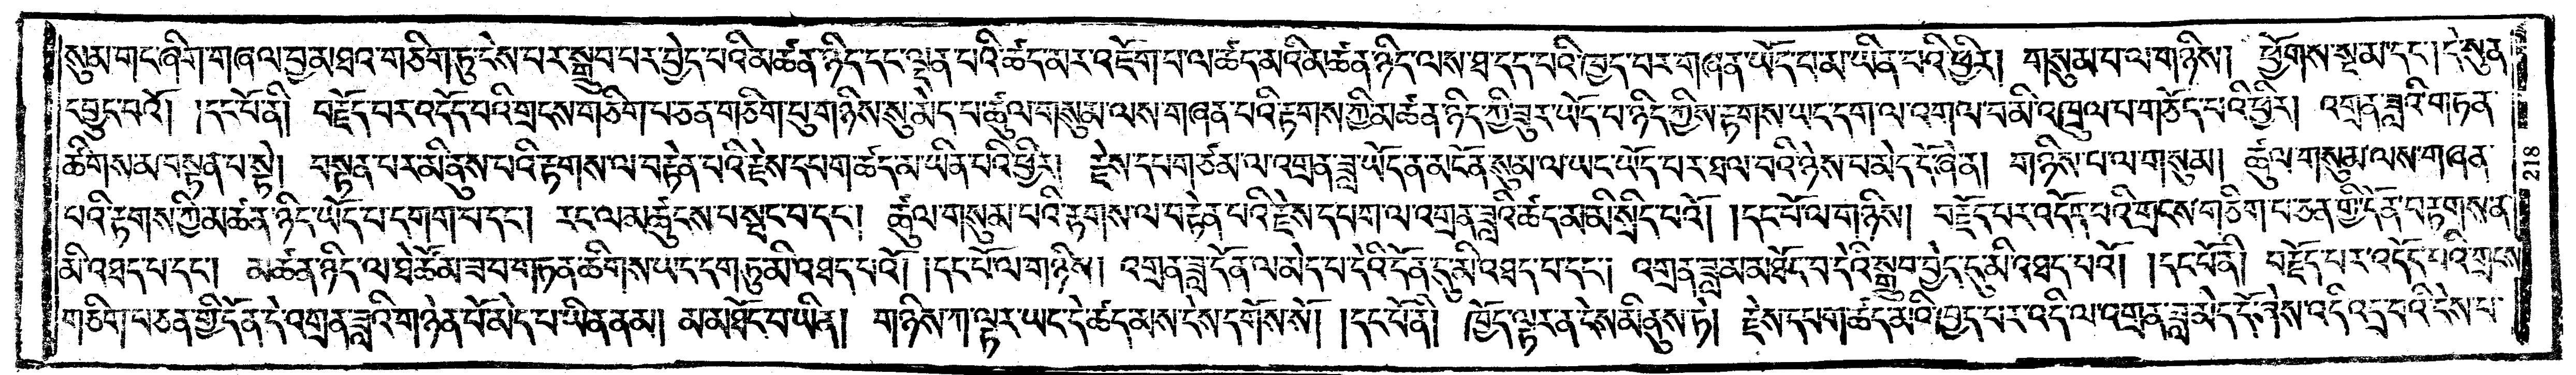སུམ་གང་ཞིག་གཞལ་བྱ་མཐའ་གཅིག་ཏུ་ངེས་པར་སྒྲུབ་པར་བྱེད་པའི་མཚན་ཉིད་དང་ལྡན་པའི་ཚད་མར་འཇོག་པ་ལ་ཚད་མའི་མཚན་ཉིད་ལས་ཐ་དད་པའི་ཁྱད་པར་གཞན་ཡོད་པ་མ་ཡིན་པའི་ཕྱིར། གསུམ་པ་ལ་གཉིས། ཕྱོགས་སྔ་མ་དང་། དེ་སུན་
དབྱུང་བའོ། །དང་པོ་ནི། བརྗོད་པར་འདོད་པའི་གྲངས་གཅིག་པ་ཅན་གཅིག་པུ་གཉིས་སུ་མེད་པ་ཚུལ་གསུམ་ལས་གཞན་པའི་རྟགས་ཀྱི་མཚན་ཉིད་ཀྱི་ཟུར་ཡོད་པ་ཉིད་ཀྱིས་རྟགས་ཡང་དག་ལ་འགལ་བ་མི་འཁྲུལ་པ་གཅོད་པའི་ཕྱིར། འགྲན་ཟླའི་གཏན་
ཚིགས་མ་བསྟན་པ་སྟེ། བསྟན་པར་མི་ནུས་པའི་རྟགས་ལ་བརྟེན་པའི་རྗེས་དཔག་ཚད་མ་ཡིན་པའི་ཕྱིར། རྗེས་དཔག་ཙམ་ལ་འགྲན་ཟླ་ཡོད་ན་མངོན་སུམ་ལ་ཡང་ཡོད་པར་ཐལ་བའི་ཉེས་པ་མེད་དོ་ཞེ་ན། གཉིས་པ་ལ་གསུམ། ཚུལ་གསུམ་ལས་གཞན་
པའི་རྟགས་ཀྱི་མཚན་ཉིད་ཡོད་པ་དགག་པ་དང་། རང་ལ་མཚུངས་པ་སྤང་བ་དང་། ཚུལ་གསུམ་པའི་རྟགས་ལ་བརྟེན་པའི་རྗེས་དཔག་ལ་འགྲན་ཟླའི་ཚད་མ་མི་སྲིད་པའོ། །དང་པོ་ལ་གཉིས། བརྗོད་པར་འདོད་པའི་གྲངས་གཅིག་པ་ཅན་གྱི་དོན་བརྟགས་ན་
མི་འཐད་པ་དང་། མཚན་ཉིད་ལ་ཐེ་ཚོམ་ཟ་བ་གཏན་ཚིགས་ཡང་དག་ཏུ་མི་འཐད་པའོ། །དང་པོ་ལ་གཉིས། འགྲན་ཟླ་དོན་ལ་མེད་པ་དེའི་དོན་དུ་མི་འཐད་པ་དང་། འགྲན་ཟླ་མ་མཐོང་བ་དེའི་སྒྲུབ་བྱེད་དུ་མི་འཐད་པའོ། །དང་པོ་ནི། བརྗོད་པར་འདོད་པའི་གྲངས་
གཅིག་པ་ཅན་གྱི་དོན་དེ་འགྲན་ཟླའི་གཉེན་པོ་མེད་པ་ཡིན་ནམ། མ་མཐོང་བ་ཡིན། གཉིས་ཀ་ལྟར་ཡང་དེ་ཚད་མས་ངེས་དགོས་སོ། །དང་པོ་ནི། ཁྱོད་ལྟར་ན་ངེས་མི་ནུས་ཏེ། རྗེས་དཔག་ཚད་མའི་ཁྱད་པར་འདི་ལ་འགྲན་ཟླ་མེད་དོ་ཞེས་འདི་འདྲ་བའི་ངེས་པ་